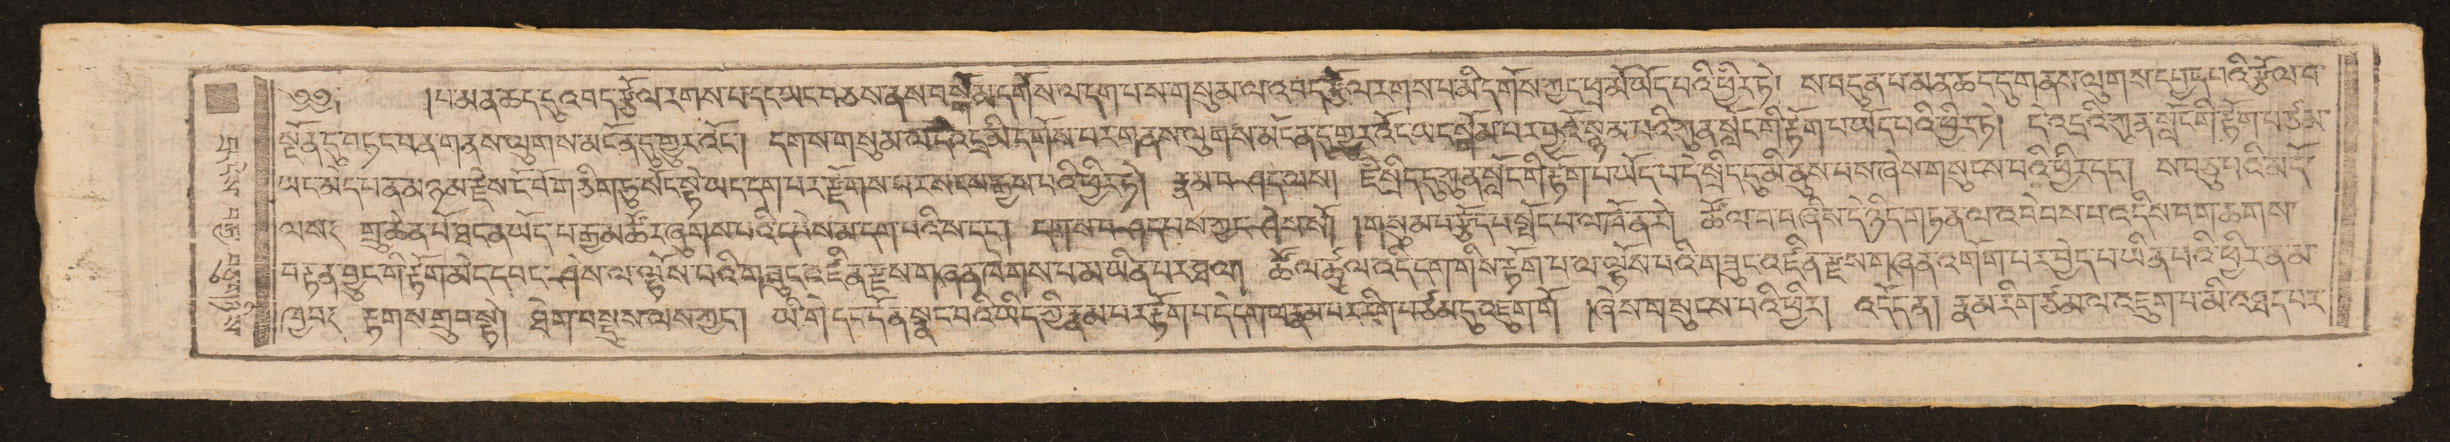༄༅། །པ་མན་ཆད་དུ་འབད་རྩོལ་རགས་པ་དང་ཡང་བཅས་ནས་བསྒོམ་དགོས་ལ་དག་པ་ས་གསུམ་ལ་འབད་རྩོལ་རགས་པ་མི་དགོས་ཀྱང་ཕྲ་མོ་ཡོད་པའི་ཕྱིར་ཏེ། ས་བདུན་པ་མན་ཆད་དུ་གནས་ལུགས་དཔྱད་པའི་རྩོལ་བ་
སྔོན་དུ་བཏང་བ་ན་གནས་ལུགས་མངོན་དུ་གྱུར་འོང་། དགས་གསུམ་ལ་དེ་འདྲ་མི་དགོས་པར་གནས་ལུགས་མངོན་དུ་གྱུར་འོང་ཡང་སྒོམ་པར་བྱའོ་སྙམ་པའི་ཀུན་སློང་གི་རྟོག་པ་ཡོད་པའི་ཕྱིར་ཏེ། དེ་འདྲའི་ཀུན་སློང་གི་རྟོག་པ་ཙམ་
ཡང་མེད་པ་ན་མཉམ་རྗེས་ངོ་བོ་གཅིག་ཏུ་སོང་སྟེ་ཡང་དག་པར་རྫོགས་པར་སངས་རྒྱས་པའི་ཕྱིར་ཏེ། རྣམ་བཤད་ལས། ཇི་སྲིད་དུ་ཀུན་སློང་གི་རྟོག་པ་ཡོད་པ་དེ་སྲིད་དུ་མི་ནུས་པས་ཞེས་གསུངས་པའི་ཕྱིར་དང་། ས་བཅུ་བའི་མདོ་
ལས༑ གྲུ་ཆེན་པོ་ཐང་ན་ཡོད་པ་རྒྱ་མཚོར་ཞུགས་པའི་དཔེས་མ་དག་པའི་ས་དང་། དག་ས་བཤད་པས་ཀྱང་ཤེས་སོ། །གསུམ་པ་རྩོད་པ་སྤོང་པ་ལ་ཁོ་ན་རེ། ཚོལ་བ་བཞིས་དེ་ཉིད་གཏན་ལ་འབེབས་པ་འདིས་བག་ཆགས་
བརྟན་བྱུང་གི་རྟོག་མེད་དབང་ཤེས་ལ་ལྟོས་པའི་གཟུང་འཛིན་རྫས་གཞན་ཁེགས་པ་མ་ཡིན་པར་ཐལ། ཚོལ་ཚུལ་འདི་དག་གིས་རྟོག་པ་ལ་ལྟོས་པའི་གཟུང་འཛིན་རྫས་གཞན་འགོག་པར་བྱེད་པ་ཡིན་པའི་ཕྱིར་ན་མ་
ཁྱབ༑ རྟགས་གྲུབ་སྟེ། ཐེག་བསྡུས་ལས་ཀྱང་། ཡི་གེ་དང་དོན་སྣང་བའི་ཡིད་ཀྱི་རྣམ་པར་རྟོག་པ་དེ་དག་ལ་རྣམ་པར་རིག་པ་ཙམ་དུ་འཇུག་གོ །ཞེས་གསུངས་པའི་ཕྱིར། འདོད་ན། རྣམ་རིག་ཙམ་ལ་འཇུག་པ་མི་འཐད་པར་